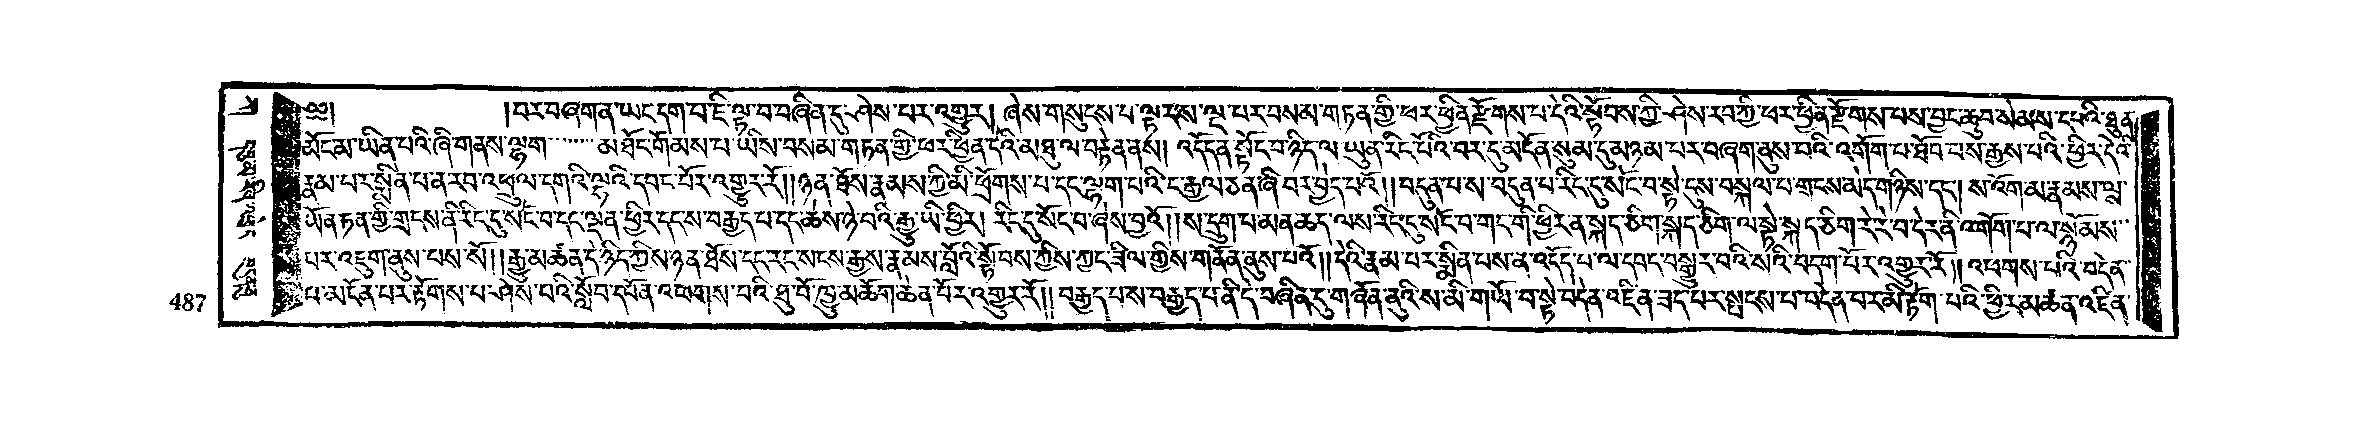༄༅། །པར་བཞག་ན་ཡང་དག་པ་ཇི་ལྟ་བ་བཞིན་དུ་ཤེས་པར་འགྱུར། ཞེས་གསུངས་པ་ལྟར་ས་ལྔ་པར་བསམ་གཏན་གྱི་ཕར་ཕྱིན་རྫོགས་པ་དེའི་སྟོབས་ཀྱི་ཤེས་རབ་ཀྱི་ཕར་ཕྱིན་རྫོགས་པས་བྱང་ཆུབ་སེམས་དཔའི་ཐུན་
མོང་མ་ཡིན་པའི་ཞི་གནས་ལྷག་མཐོང་གོམས་པ་ཡིས་བསམ་གཏན་གྱི་ཕར་ཕྱིན་དེའི་མཐུ་ལ་བརྟེན་ནས། འདོད་ན་སྟོང་པ་ཉིད་ལ་ཡུན་རིང་པོའི་བར་དུ་མངོན་སུམ་དུ་མཉམ་པར་བཞག་ནུས་པའི་འགོག་པ་ཐོབ་པས་རྒྱས་པའི་ཕྱིར་དེའི་
རྣམ་པར་སྨིན་པ་ན་རབ་འཕྲུལ་དགའི་ལྷའི་དབང་པོར་འགྱུར་རོ། །ཉན་ཐོས་རྣམས་ཀྱི་མི་ཕྲོགས་པ་དང་ལྷག་པའི་ང་རྒྱལ་ཅན་ཞི་བར་བྱེད་པའོ། །བདུན་པ་ས་བདུན་པ་རིང་དུ་སོང་བ་སྟེ་དུས་བསྐལ་བ་གྲངས་མེད་གཉིས་དང་། ས་འོག་མ་རྣམས་ལས་
ཡོན་ཏན་གྱི་གྲངས་ནི་རིང་དུ་སོང་བ་དང་ལྡན་ཕྱིར་དང་ས་བརྒྱད་པ་དང་ཆེས་ཉེ་བའི་རྒྱུ་ཡི་ཕྱིར། རིང་དུ་སོང་བ་ཞེས་བྱའོ། །ས་དྲུག་པ་མན་ཆད་ལས་རིང་དུ་སོང་བ་གང་གི་ཕྱིར་ན་སྐད་ཅིག་སྐད་ཅིག་ལ་སྟེ་སྐད་ཅིག་རེ་རེ་བ་དེར་ནི་འགོག་པ་ལ་སྙོམས་
པར་འཇུག་ནུས་པས་སོ། །རྒྱུ་མཚན་དེ་ཉིད་ཀྱིས་ཉན་ཐོས་དང་རང་སངས་རྒྱས་རྣམས་བློའི་སྟོབས་ཀྱིས་ཀྱང་ཟིལ་གྱིས་གནོན་ནུས་པའོ། །དེའི་རྣམ་པར་སྨིན་པས་ན་འདོད་པ་ལ་དབང་བསྒྱུར་བའི་སའི་བདག་པོར་འགྱུར་རོ། །འཕགས་པའི་བདེན་
པ་མངོན་པར་རྟོགས་པ་ཤེས་པའི་སློབ་དཔོན་འཕགས་པའི་ཐུ་བོ་ཁུ་མཆོག་ཆེན་པོར་འགྱུར་རོ། །བརྒྱད་པས་བརྒྱད་པ་ནི་དེ་བཞིན་དུ་གཞོན་ནུའི་ས་མི་གཡོ་བ་སྟེ་བདེན་འཛིན་ཟད་པར་སྤངས་པ་བདེན་པར་མི་རྟོག་པའི་ཕྱིར་མཚན་འཛིན་